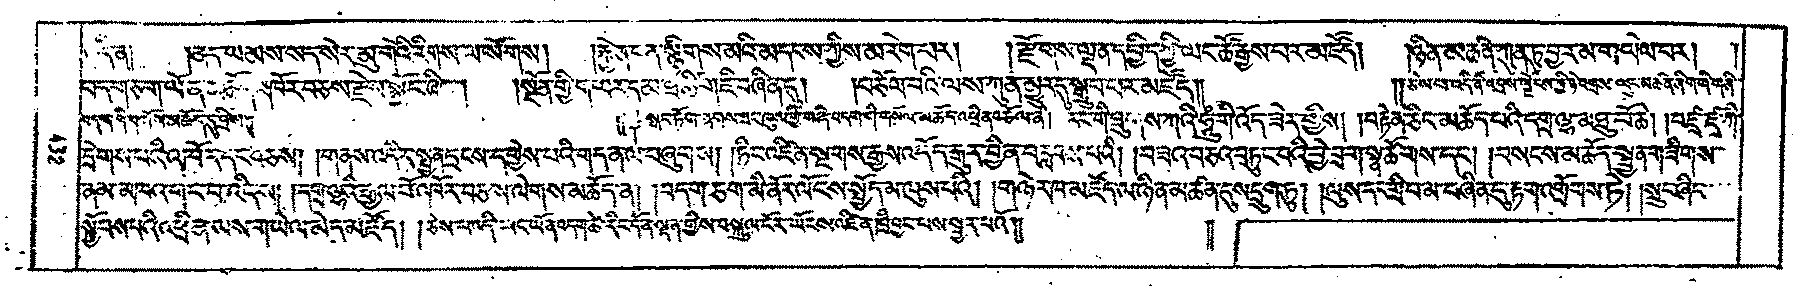འདི་ན། །ནད་ཡམས་སད་སེར་མུ་གེའི་རིགས་ལ་སོགས། །རྐྱེན་ངན་སྙིགས་མའི་མདངས་ཀྱིས་མ་རེག་པར། །རྫོགས་ལྡན་དཔྱིད་ཀྱི་ལང་ཚོ་རྒྱས་པར་མཛོད། །ཉིན་མཚན་ཀུན་ཏུ་བྱ་ར་མ་གཡེལ་བར། །
བདག་ཅག་ཡོན་མཆོད་འཁོར་བཅས་རྗེས་སྐྱོང་ཞིང་། །སྔོན་གྱི་གཡར་དམ་ཐ་ཚིག་ཇི་བཞིན་དུ། །བཅོལ་བའི་ལས་ཀུན་མྱུར་དུ་སྒྲུབ་པར་མཛོད།། །།ཅེས་པ་འདི་ནི་འབྲས་ལྗོངས་ཀྱི་ཉེ་འགྲམ་ལུང་མཚན་ཞིག་གི་གཞི་
བདག་གི་གསོལ་མཆོད་དུ་བྲིས།། །། ༈ སྒང་ཏོག་ནགས་ཐང་ཁུལ་གྱི་གཞི་བདག་གི་གསོལ་མཆོད་འཕྲིན་བཅོལ་ནི། རང་གི་ཐུགས་ཀའི་ཧཱུཾ་གི་འོད་ཟེར་གྱིས། །བརྟེན་ཅིང་མཆོད་པའི་དགྲ་ལྷ་མཐུ་བོ་ཆེ། །བཛྲ་ཛྭ་ཀི་
དྲེགས་པའི་འཁོར་དང་བཅས། །གནས་འདིར་སྤྱན་དྲངས་དགྱེས་པའི་གདན་ལ་བཞུགས། །ཏིང་འཛིན་སྔགས་རྒྱས་འདོད་རྒུར་བྱིན་བརླབས་པའི། །བཟའ་བཅའ་བཏུང་བའི་བྱེ་བྲག་སྣ་ཚོགས་དང་། །བསངས་མཆོད་སྤྱན་གཟིགས་
ནམ་མཁའ་གང་བ་འདིས། །དགྲ་ལྷའི་རྒྱལ་པོ་འཁོར་བཅས་ལེགས་མཆོད་ན། །བདག་ཅག་མི་ནོར་ལོངས་སྤྱོད་མ་ལུས་པའི། །གཉེར་ཁ་མཛོད་ལ་ཉིན་མཚན་དུས་དྲུག་ཏུ། །ལུས་དང་གྲིབ་མ་བཞིན་དུ་རྟག་འགྲོགས་ཏེ། །སྲུང་ཞིང་
སྐྱོབས་པའི་འཕྲིན་ལས་གཡེལ་མེད་མཛོད། །ཅེས་པ་འདི་ཡང་ཡོན་བདག་ཚེ་རིང་དོན་ལྡན་གྱིས་བསྐུལ་ངོར་ཡོངས་འཛིན་ཁྲི་བྱང་པས་སྦྱར་པའོ།། །།